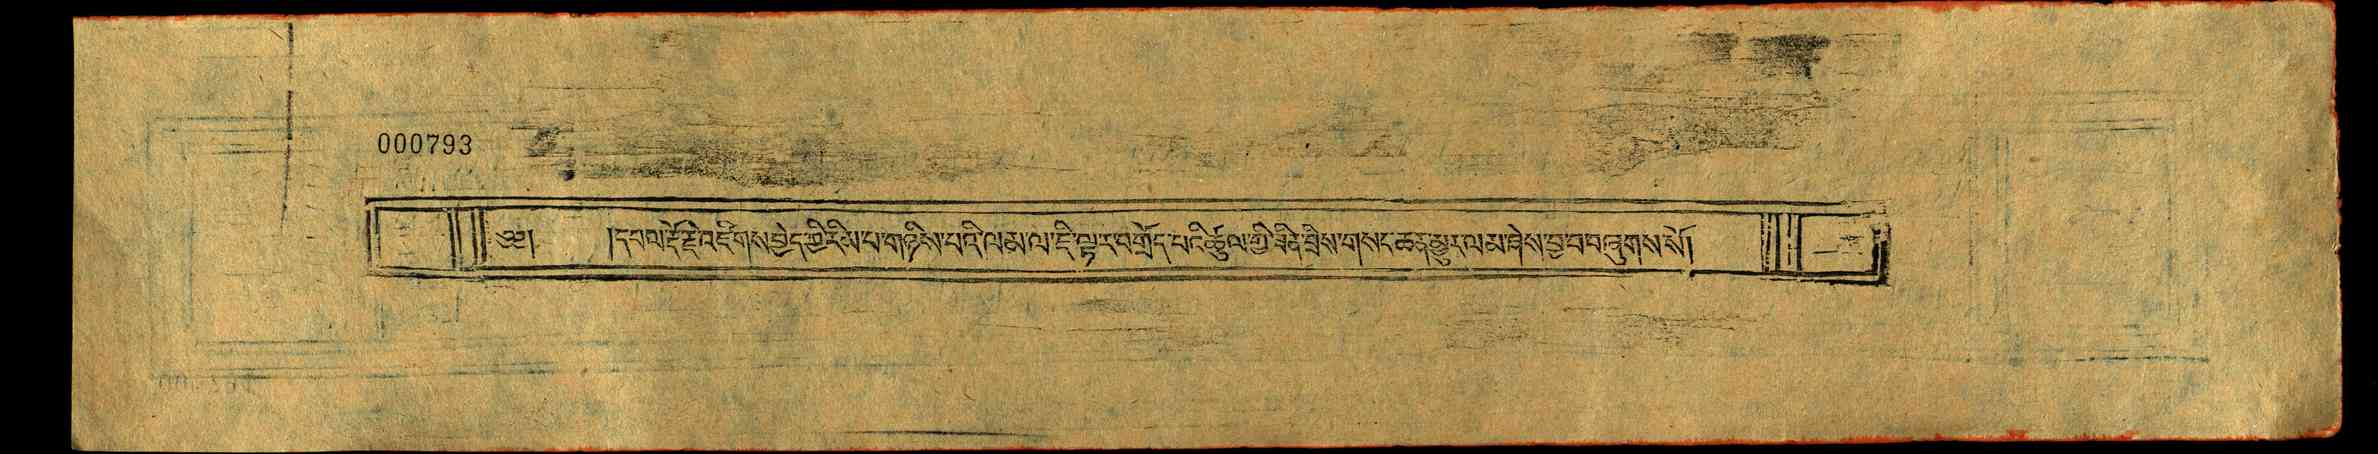༄༅། །དཔལ་རྡོ་རྗེ་འཇིགས་བྱེད་ཀྱི་རིམ་པ་གཉིས་པའི་ལམ་ལ་ཇི་ལྟར་བགྲོད་པའི་ཚུལ་གྱི་ཟིན་བྲིས་གསང་ཆེན་མྱུར་ལམ་ཞེས་བྱ་བ་བཞུགས་སོ། །